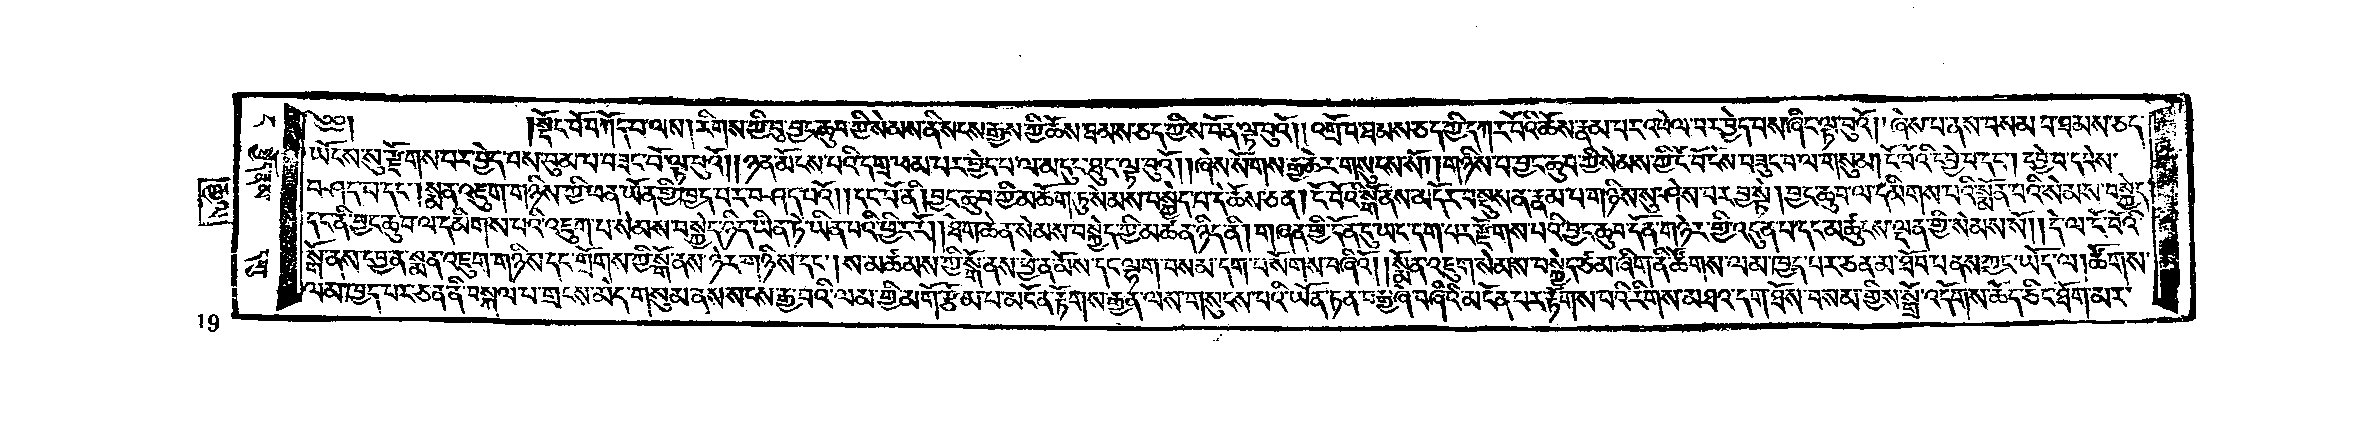༄༅། །སྡོང་པོ་བཀོད་པ་ལས། རིགས་ཀྱི་བུ་བྱང་ཆུབ་ཀྱི་སེམས་ནི་སངས་རྒྱས་ཀྱི་ཆོས་ཐམས་ཅད་ཀྱི་ས་བོན་ལྟ་བུའོ། །འགྲོ་བ་ཐམས་ཅད་ཀྱི་དཀར་པོའི་ཆོས་རྣམ་པར་འཕེལ་པར་བྱེད་པས་ཞིང་ལྟ་བུའོ། །ཞེས་པ་ནས་བསམ་པ་ཐམས་ཅད་
ཡོངས་སུ་རྫོགས་པར་བྱེད་པས་བུམ་པ་བཟང་པོ་ལྟ་བུའོ། །ཉན་མོངས་པའི་དགྲ་ཕམ་པར་བྱེ་དཔ་ལ་མདུང་ཐུང་ལྟ་བུའོ། །ཞེས་སོགས་རྒྱ་ཆེར་གསུངས་སོ། །གཉིས་པ་བྱང་ཆུབ་ཀྱི་སེམས་ཀྱི་ངོ་བོ་ངོས་བཟུང་བ་ལ་གསུམ། ངོ་བོའི་དབྱེ་བ་དང་། དབྱེ་བ་དཔེས་
བཤད་པ་དང་། སྨན་འཇུག་གཉིས་ཀྱི་ཕན་ཡོན་གྱི་ཁྱད་པར་བཤད་པའོ། །དང་པོ་ནི། བྱང་ཆུབ་ཀྱི་མཆོག་ཏུ་སེམས་བསྐྱེད་པ་དེ་ཆོས་ཅན། ངོ་བོའི་སྒོ་ནས་མདོར་བསྡུས་ན་རྣམ་པ་གཉིས་སུ་ཤེས་པར་བྱ་སྟེ། བྱང་ཆུབ་ལ་དམིགས་པའི་སྨོན་པའི་སེམས་བསྐྱེད་
དང་ནི་བྱང་ཆུབ་ལ་དམིགས་པའི་འཇུག་པ་སེམས་བསྐྱེད་ཉིད་ཡིན་ཏེ་ཡིན་པའི་ཕྱིར་རོ། །ཐེག་པ་ཆེན་སེམས་བསྐྱེད་ཀྱི་མཚན་ཉིད་ནི། གཞན་གྱི་དོན་དུ་ཡང་དག་པར་རྫོགས་པའི་བྱང་ཆུབ་དོན་གཉེར་གྱི་འདུན་པ་དང་མཚུངས་ལྡན་གྱི་སེམས་སོ། །དེ་ལ་ངོ་བོའི་
སྒོ་ནས་དབྱེ་ན་སྨན་འཇུག་གཉིས་དང་གྲོགས་ཀྱི་སྒོ་ནས་ཉེར་གཉིས་དང་། ས་མཚམས་ཀྱི་སྒོ་ནས་ཕྱེ་ན་མོས་དང་ལྷག་བསམ་དག་པ་སོགས་བཞིའོ། །སྨོན་འཇུག་སེམས་བསྐྱེད་ཙམ་ཞིག་ནི་ཚོགས་ལམ་ཁྱད་པར་ཅན་མ་ཐོབ་པ་ནས་ཀྱང་ཡོད་ལ། ཚོགས་
ལམ་ཁྱད་པར་ཅན་ནི་བསྐལ་པ་གྲངས་མེད་གསུམ་ནས་སངས་རྒྱ་བའི་ལམ་གྱི་མགོ་རྩོམ་པ་མངོན་རྟོགས་རྒྱན་ལས་གསུངས་པའི་ཡོན་ཏན་བརྒྱ་ཞེ་བཞིའི་མངོན་པར་རྟོགས་པའི་རིགས་མཐའ་དག་ཐོས་བསམ་གྱིས་སྒྲོ་འདོགས་ཆོད་ཅིང་ཐོག་མར་